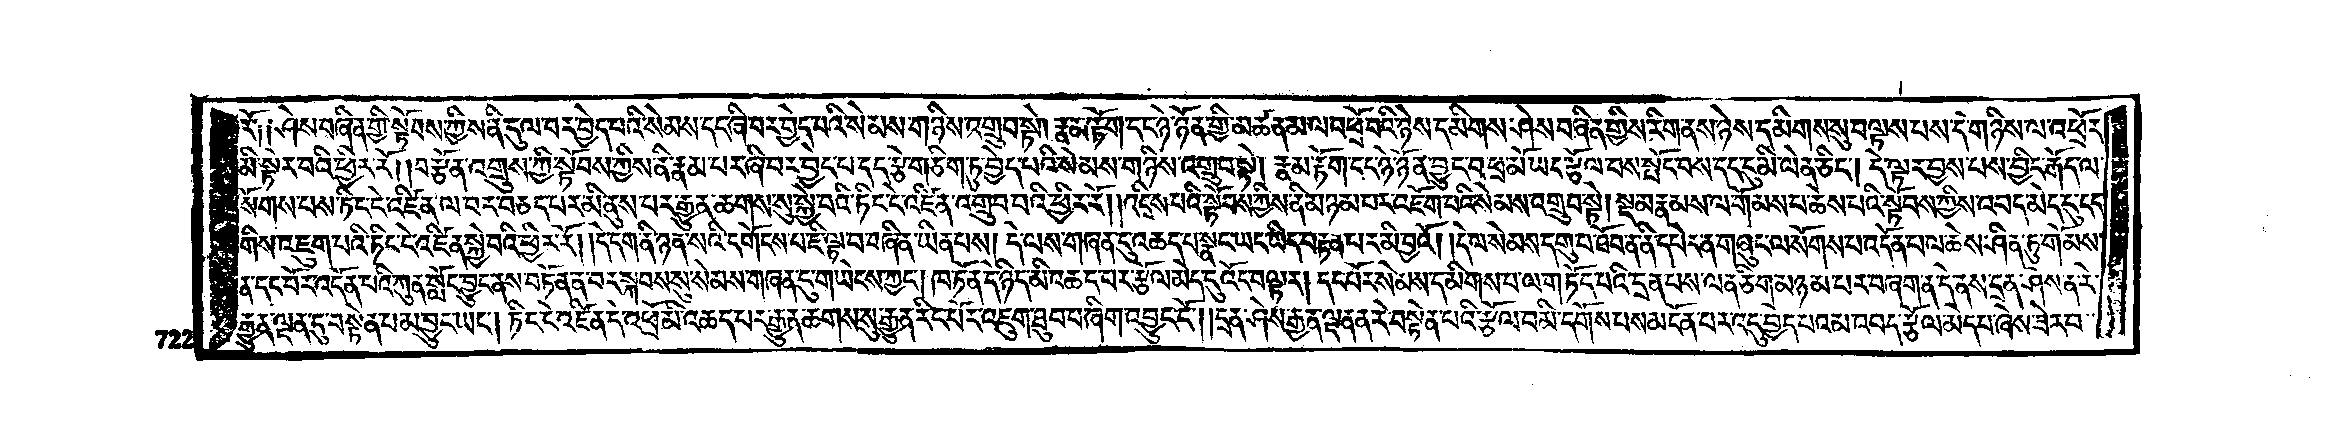རོ༑ ༑ཤེས་བཞིན་གྱི་སྟོབས་ཀྱིས་ནི་དུལ་བར་བྱེད་པའི་སེམས་དང་ཞི་བར་བྱེད་པའི་སེམས་གཉིས་འགྲུབ་སྟེ། རྣམ་རྟོག་དང་ཉེ་ཉོན་གྱི་མཚན་མ་ལ་འཕྲོ་བའི་ཉེས་དམིགས་ཤེས་བཞིན་གྱིས་རིག་ནས་ཉེས་དམིགས་སུ་བལྟས་པས་དེ་གཉིས་ལ་འཕྲོར་
མི་སྟེར་བའི་ཕྱིར་རོ། །བརྩོན་འགྲུས་ཀྱི་སྟོབས་ཀྱིས་ནི་རྣམ་པར་ཞི་བར་བྱེད་པ་དང་རྩེ་གཅིག་ཏུ་བྱེད་པའི་སེམས་གཉིས་འགྲུབ་སྟེ། རྣམ་རྟོག་དང་ཉེ་ཉོན་བྱུང་བ་ཕྲ་མོ་ཡང་རྩོལ་བས་སྤོང་བས་དང་དུ་མི་ལེན་ཅིང་། དེ་ལྟར་བྱས་པས་བྱིང་རྒོད་ལ་
སོགས་པས་ཏིང་ངེ་འཛིན་ལ་བར་བཅད་པར་མི་ནུས་པར་རྒྱུན་ཆགས་སུ་སྐྱེ་བའི་ཏིང་ངེ་འཛིན་འགྲུབ་པའི་ཕྱིར་རོ། །འདྲིས་པའི་སྟོབས་ཀྱིས་ནི་མཉམ་པར་འཇོག་པའི་སེམས་འགྲུབ་སྟེ། སྔ་མ་རྣམས་ལ་གོམས་པ་ཆེས་པའི་སྟོབས་ཀྱིས་འབད་མེད་དུ་ངང་
གིས་འཇུག་པའི་ཏིང་ངེ་འཛིན་སྐྱེ་བའི་ཕྱིར་རོ། །དེ་དག་ནི་ཉན་སའི་དགོངས་པ་ཇི་ལྟ་བ་བཞིན་ཡིན་པས། དེ་ལས་གཞན་དུ་འཆད་པ་སྣང་ཡང་ཡིད་བརྟན་པར་མི་བྱའོ། །དེ་ལ་སེམས་དགུ་པ་ཐོབ་ན་ནི་དཔེར་ན་གཞུང་ལ་སོགས་པ་འདོན་པ་ལ་ཆེས་ཤིན་ཏུ་གོམས་
ན་དང་པོར་འདོན་པའི་ཀུན་སློང་བྱུང་ནས་བཏོན་ན་བར་སྐབས་སུ་སེམས་གཞན་དུ་གཡེངས་ཀྱང་། ཁ་ཏོན་དེ་ཉིད་མི་འཆད་པར་རྩོལ་མེད་དུ་འོང་བ་ལྟར། དང་པོར་སེམས་དམིགས་པ་ལ་གཏོད་པའི་དྲན་པས་ལན་ཅིག་མཉམ་པར་བཞག་ན་དེ་ནས་དྲན་ཤེས་ན་རེ་
རྒྱུན་ལྡན་དུ་བསྟེན་པ་མ་བྱུང་ཡང་། ཏིང་ངེ་འཛིན་དེ་འཕྲོ་མི་འཆད་པར་རྒྱུན་ཆགས་སུ་རྒྱུན་རིང་པོར་འཇུག་ཐུབ་པ་ཞིག་འབྱུང་ངོ། །དྲན་ཤེས་རྒྱུན་ལྡན་ན་རེ་བསྟེན་པའི་རྩོལ་བ་མི་དགོས་པས་མངོན་པར་འདུ་བྱེད་པའམ་འབད་རྩོལ་མེད་པ་ཞེས་ཟེར་བ་